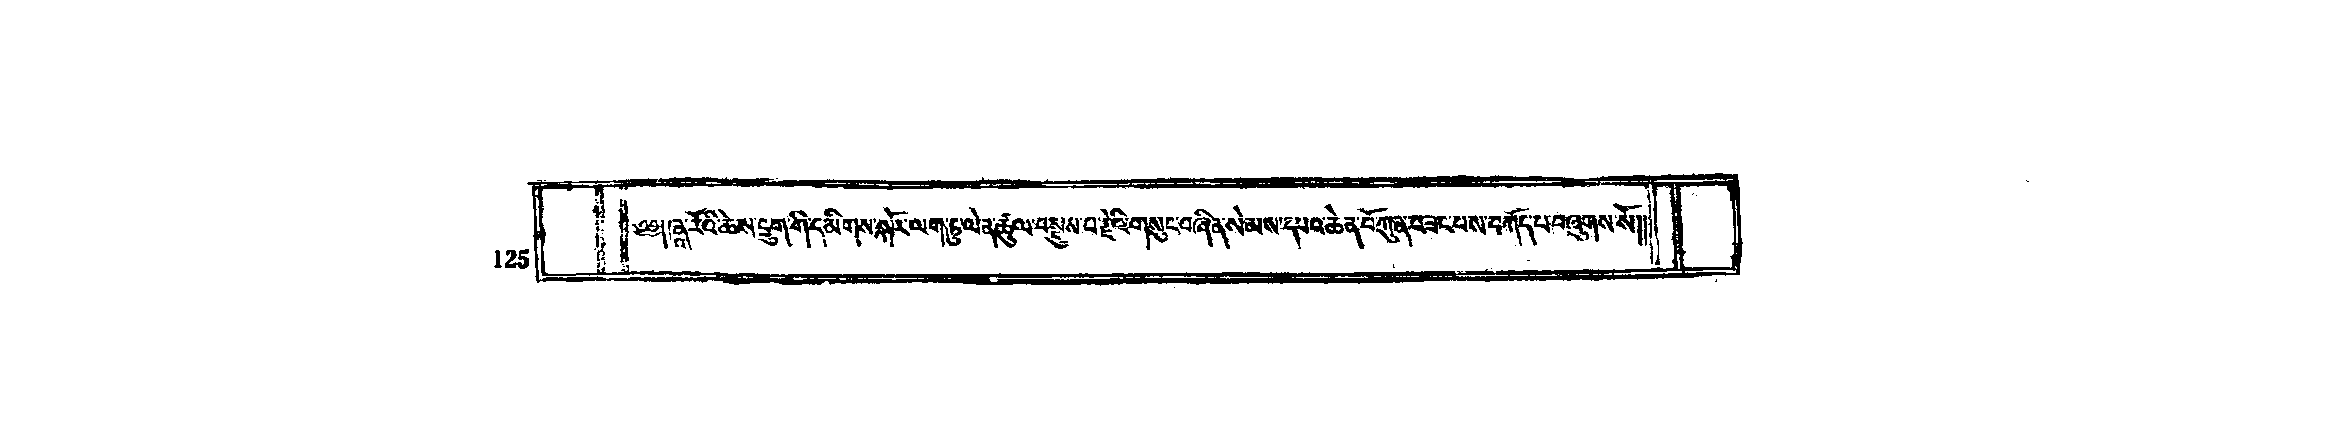༄༅། །ནཱ་རོའི་ཆོས་དྲུག་གི་དམིགས་སྐོར་ལག་ཏུ་ལེན་ཚུལ་བསྡུས་པ་རྗེའི་གསུང་བཞིན་སེམས་དཔའ་ཆེན་པོ་ཀུན་བཟང་པས་བཀོད་པ་བཞུགས་སོ། །